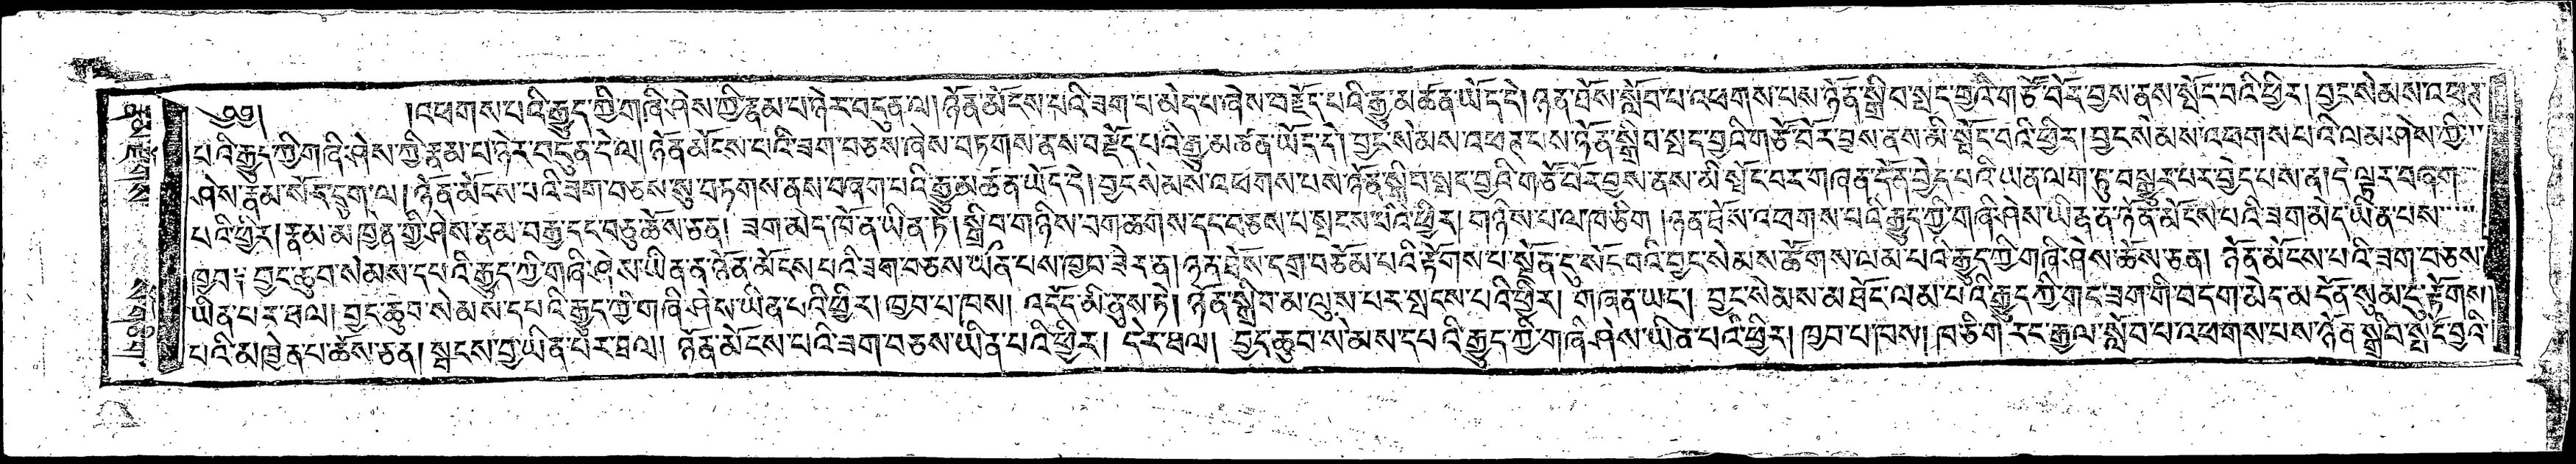༄༅། །འཕགས་པའི་རྒྱུད་ཀྱི་གཞི་ཤེས་ཀྱི་རྣམ་པ་ཉེར་བདུན་ལ། ཉོན་མོངས་པའི་ཟག་པ་མེད་པ་ཞེས་བརྗོད་པའི་རྒྱུ་མཚན་ཡོད་དེ། ཉན་ཐོས་སློབ་པ་འཕགས་པས་ཉོན་སྒྲིབ་སྤང་བྱའི་གཙོ་བོར་བྱས་ནས་སྤོང་བའི་ཕྱིར། བྱང་སེམས་འཕགས་
པའི་རྒྱུད་ཀྱི་གཞི་ཤེས་ཀྱི་རྣམ་པ་ཉེར་བདུན་དེ་ལ། ཉོན་མོངས་པའི་ཟག་བཅས་ཞེས་བཏགས་ནས་བརྗོད་པའི་རྒྱུ་མཚན་ཡོད་དེ། བྱང་སེམས་འཕགས་པས་ཉོན་སྒྲིབ་སྤང་བྱའི་གཙོ་བོར་བྱས་ནས་མི་སྤོང་བའི་ཕྱིར། བྱང་སེམས་འཕགས་པའི་ལམ་ཤེས་ཀྱི་
ཤེས་རྣམ་སོར་དྲུག་ལ། ཉོན་མོངས་པའི་ཟག་བཅས་སུ་བཏགས་ནས་བཞག་པའི་རྒྱུ་མཚན་ཡོད་དེ། བྱང་སེམས་འཕགས་པས་ཉོན་སྒྲིབ་སྤང་བྱའི་གཙོ་བོར་བྱས་ནས་མི་སྤོང་བར་གཞན་དོན་བྱེད་པའི་ཡན་ལག་ཏུ་བསྒྱུར་པར་བྱེད་པས་ན། དེ་ལྟར་བཞག་
པའི་ཕྱིར། རྣམ་མཁྱེན་གྱི་ཤེས་རྣམ་བརྒྱ་དང་བཅུ་ཆོས་ཅན། ཟག་མེད་ཁོ་ན་ཡིན་ཏེ། སྒྲིབ་གཉིས་བག་ཆགས་དང་བཅས་པ་སྤངས་པའི་ཕྱིར། གཉིས་པ་ལ་ཁ་ཅིག །ཉན་ཐོས་འཕགས་པའི་རྒྱུད་ཀྱི་གཞི་ཤེས་ཡིན་ན་ཉོན་མོངས་པའི་ཟག་མེད་ཡིན་པས་
ཁྱབ༑ བྱང་ཆུབ་སེམས་དཔའི་རྒྱུད་ཀྱི་གཞི་ཤེས་ཡིན་ན་ཉོན་མོངས་པའི་ཟག་བཅས་ཡིན་པས་ཁྱབ་ཟེར་ན། ཉན་ཐོས་དགྲ་བཅོམ་པའི་རྟོགས་པ་སྔོན་དུ་སོང་བའི་བྱང་སེམས་ཚོགས་ལམ་པའི་རྒྱུད་ཀྱི་གཞི་ཤེས་ཆོས་ཅན། ཉོན་མོངས་པའི་ཟག་བཅས་
ཡིན་པར་ཐལ། བྱང་ཆུབ་སེམས་དཔའི་རྒྱུད་ཀྱི་གཞི་ཤེས་ཡིན་པའི་ཕྱིར། ཁྱབ་པ་ཁས། འདོད་མི་ནུས་ཏེ། ཉོན་སྒྲིབ་མ་ལུས་པར་སྤངས་པའི་ཕྱིར། གཞན་ཡང་། བྱང་སེམས་མཐོང་ལམ་པའི་རྒྱུད་ཀྱི་གང་ཟག་གི་བདག་མེད་མངོན་སུམ་དུ་རྟོགས་
པའི་མཁྱེན་པ་ཆོས་ཅན། སྤངས་བྱ་ཡིན་པར་ཐལ། ཉོན་མོངས་པའི་ཟག་བཅས་ཡིན་པའི་ཕྱིར། དེར་ཐལ། བྱང་ཆུབ་སེམས་དཔའི་རྒྱུད་ཀྱི་གཞི་ཤེས་ཡིན་པའི་ཕྱིར། ཁྱབ་པ་ཁས། ཁ་ཅིག་རང་རྒྱལ་སློབ་པ་འཕགས་པས་ཉོན་སྒྲིབ་སྤོང་བྱའི་